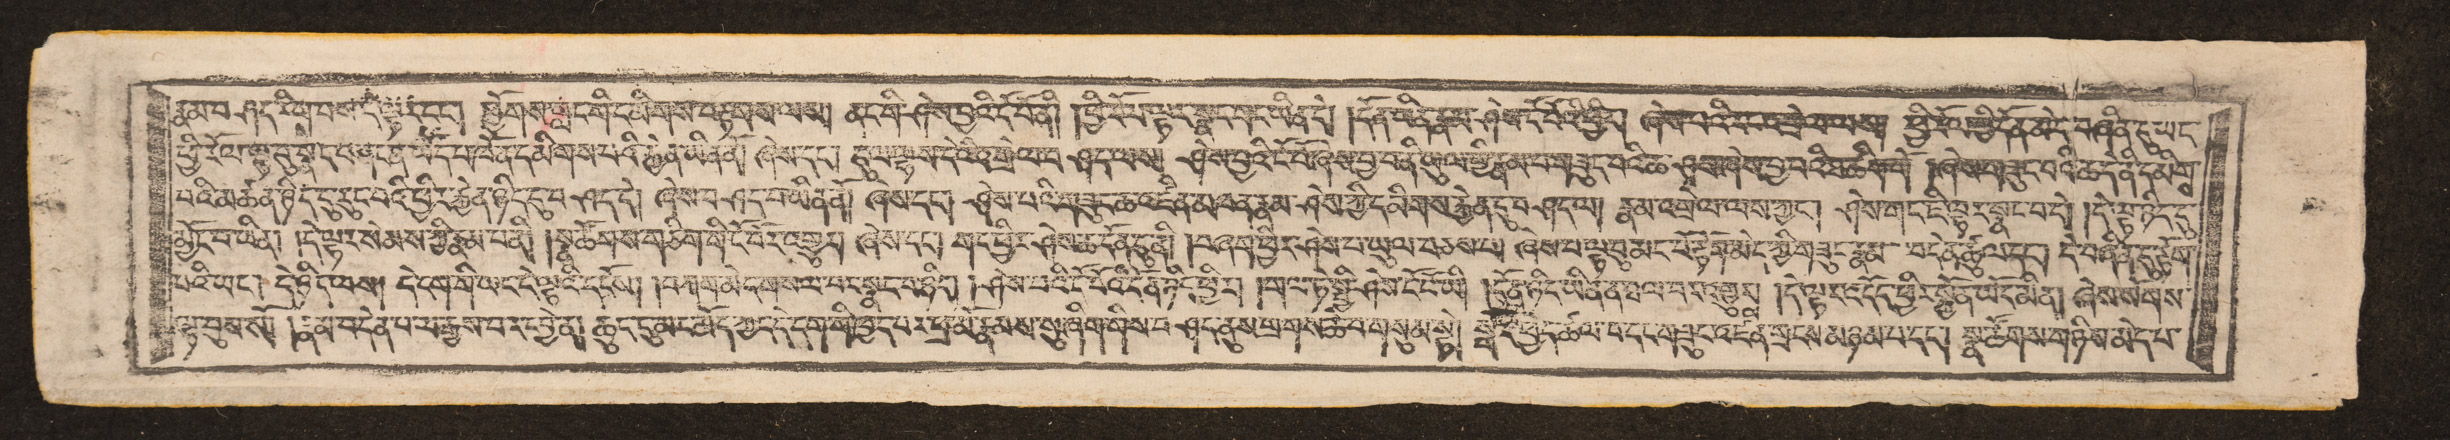རྣམ་བཤད་རིགས་པས་དེ་ལྟར་དང་། ཕྱོགས་གླང་གི་དམིགས་བརྟགས་ལས། ནང་གི་ཤེས་བྱའི་ངོ་བོ་ནི། །ཕྱི་རོལ་ལྟར་སྣང་གང་ཡིན་དེ། །དོན་ཡིན་རྣམ་ཤེས་ངོ་བོའི་ཕྱིར། ཞེས་པའི་རང་འགྲེལ་ལས། ཕྱི་རོལ་གྱི་དོན་མེད་བཞིན་དུ་ཡང་
ཕྱི་རོལ་ལྟ་བུ་སྣང་བ་ནང་ན་ཡོད་པ་ཁོ་ན་དམིགས་པའི་རྐྱེན་ཡིན་ནོ། ཞེས་དང་། དུལ་ལྷས་དེའི་འགྲེལ་བཤད་ལས། ཤེས་བྱའི་ངོ་བོ་ཞེས་བྱ་བ་ནི་ཡུལ་གྱི་རྣམ་པ་གཟུང་བའི་ཆ་ཤས་ཞེས་བྱ་བའི་ཐ་ཚིག་གོ །ཞེས་གཟུང་བའི་ཆ་དེ་ནི་དམིགས་
པའི་མཚན་ཉིད་དུ་རུང་བའི་ཕྱིར་རྐྱེན་ཉིད་དུ་བཤད་དེ། ཞེས་བཤད་པ་ཡིན་ནོ། ཞེས་དང་། ཤེས་པའི་གཟུང་ཆ་འཛིན་མཁན་རྣམ་ཤེས་ཀྱི་དམིགས་རྐྱེན་དུ་བཤད་ལ། རྣམ་འགྲེལ་ལས་ཀྱང་། ཤེས་གང་ཇི་ལྟར་སྣང་བ་དེ། །དེ་ལྟ་ཉིད་དུ་
མྱོང་བ་ཡིན། །དེ་ལྟར་སེམས་ཀྱི་རྣམ་པ་ནི། །སྣ་ཚོགས་གཅིག་གི་ངོ་བོར་འགྱུར། ཞེས་དང་། གང་ཕྱིར་ཤེས་ཆ་དོན་དུ་ནི། །བཞག་ཕྱིར་ཤེས་པ་ཡུལ་བཅས་པ། ཞེས་པ་ལྟ་བུ་མང་པོ་རྟོག་མེད་ཀྱི་གཟུང་རྣམ་བདེན་ཚུལ་དང་། དེ་བཞིན་དུ་རྟོག་
པའི་ཡང་། དེ་ཉིད་ལས། དེ་དག་གི་ཡང་དེ་ལྟའི་དངོས། །བཀག་མེད་གསལ་བར་སྣང་བ་ཉིད། །ཤེས་པའི་ངོ་བོའི་དོན་ཉིད་ཕྱིར། །གལ་ཏེ་སྤྱི་ཤེས་ངོ་བོ་ཡི། །དོན་ཉིད་ཡིན་ན་ཐལ་བར་འགྱུར། །དེ་ལྟར་འདོད་ཕྱིར་སྐྱོན་ཡོད་མིན། ཞེས་སོགས་
ལྟ་བུས་སོ། །རྣམ་བདེན་པ་ལ་རྒྱས་པར་དབྱེ་ན། ཆུང་དུ་མང་མོད་ཀྱང་དེ་དག་གི་ཁྱད་པར་ཕྲ་མོ་རྣམས་སུ་ཞིག་གིས་བཤད་ནུས་གྲགས་ཆེ་བ་གསུམ་སྟེ། སྒོང་ཕྱེད་ཚལ་བ་དང་གཟུང་འཛིན་གྲངས་མཉམ་པ་དང་། སྣ་ཚོགས་གཉིས་མེད་པ་